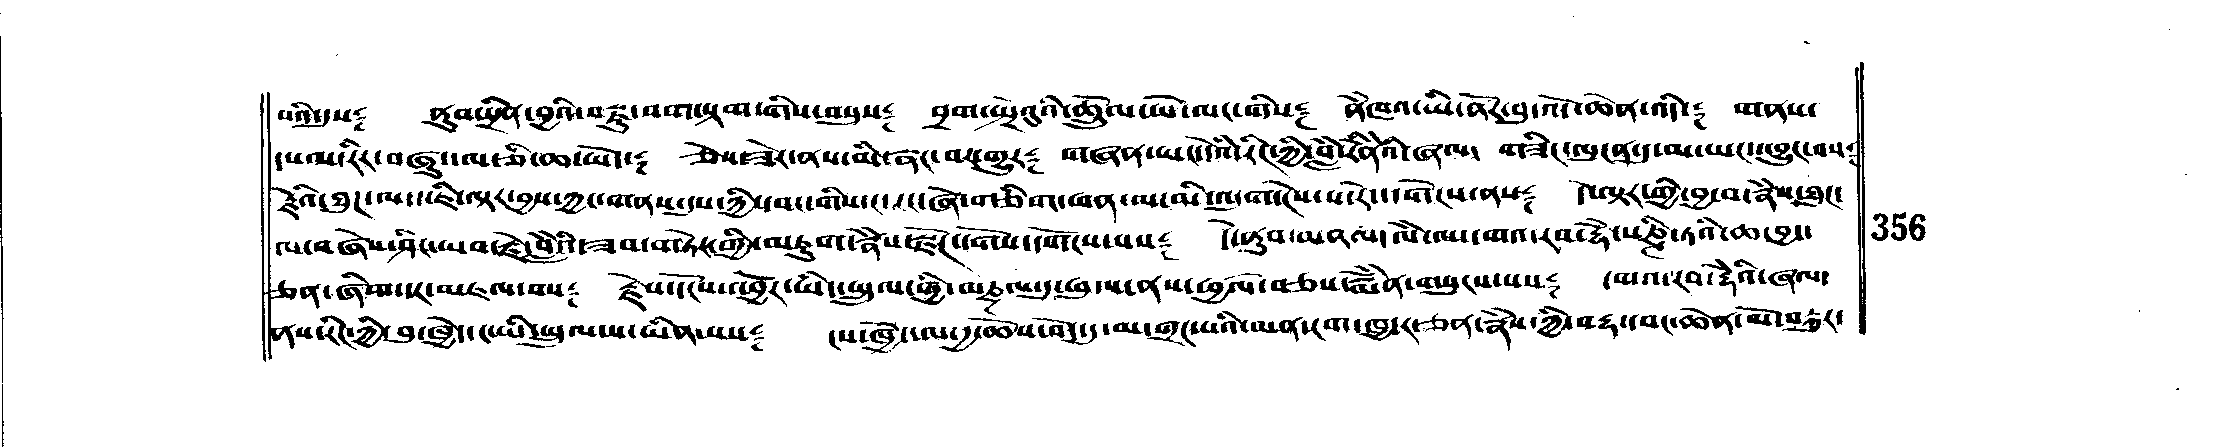པའི་དུས། །ནུབ་སྲིན་བྱའི་བརྫུ་བག་སྟག་གིས་བསུས། །བྲག་སྤྲེའུའི་ཆོ་འཕྲུལ་ཡོ་ལང་གིས། །ནམ་མཁའ་ཡི་ནོར་བུ་འོད་ཆེན་འདི། །གནས་
དཔལ་རིར་བཞུད་ལ་ཅི་ཆ་ཡོད། །ཅེས་ཟེར་ནས་མི་སྣང་བར་གྱུར། གཞན་ཡང་དེའི་རིགས་ཀྱི་བླ་མ་རིན་པོ་ཆེའི་ཞལ་གཟིགས་ལུང་བསྟན་དུ་མ་ཡང་འབྱུང་བས། 
རྗེའི་ཐུགས་ལ་ད་ཇི་ལྟར་བྱས་ཀྱང་གནས་དུས་ཀྱི་དབང་གིས་ང་རང་ཞེ་གཅིག་ཕན་ལ་མི་འདུག་ངེས་པ་རེད་དགོངས་ནས། དེ་ལྟར་གྱི་བྱ་བ་རྣམས་ཐུགས་
ལ་བཞེས་ཤིང་ཡབ་རྗེ་བླ་མའི་ཟབ་གཏེར་གྱི་མཇུག་རྣམས་རྫོགས་དགོས་དགོངས་པས། དེ་ནུབ་མནལ་ལམ་ལ་དགའ་རབ་རྡོ་རྗེ་པཎྜི་ཏའི་ཆ་བྱད་
ཅན་ཞིག་དང་མཇལ་བས། རྗེས་དངོས་འབྱོར་ཡིད་སྤྲུལ་གྱི་མཎྜལ་དུ་ཕུལ་ནས་ཕྱག་འཚལ་བཅས་སྨོན་ལམ་གསུངས་པས། དགའ་རབ་རྡོ་རྗེའི་ཞལ་
ནས་རིགས་ཀྱི་བུ་ཁྱེད་ང་ཡི་སྤྲུལ་པ་ཡིན་པས། ངས་ཁྱོད་ལ་རྒྱ་ཆོས་བོད་དུ་མ་གྲགས་པའི་མན་ངག་ཁྱད་པར་ཅན་རྣམས་ཀྱི་བརྡ་དབང་ཆེན་མོ་བསྐུར་